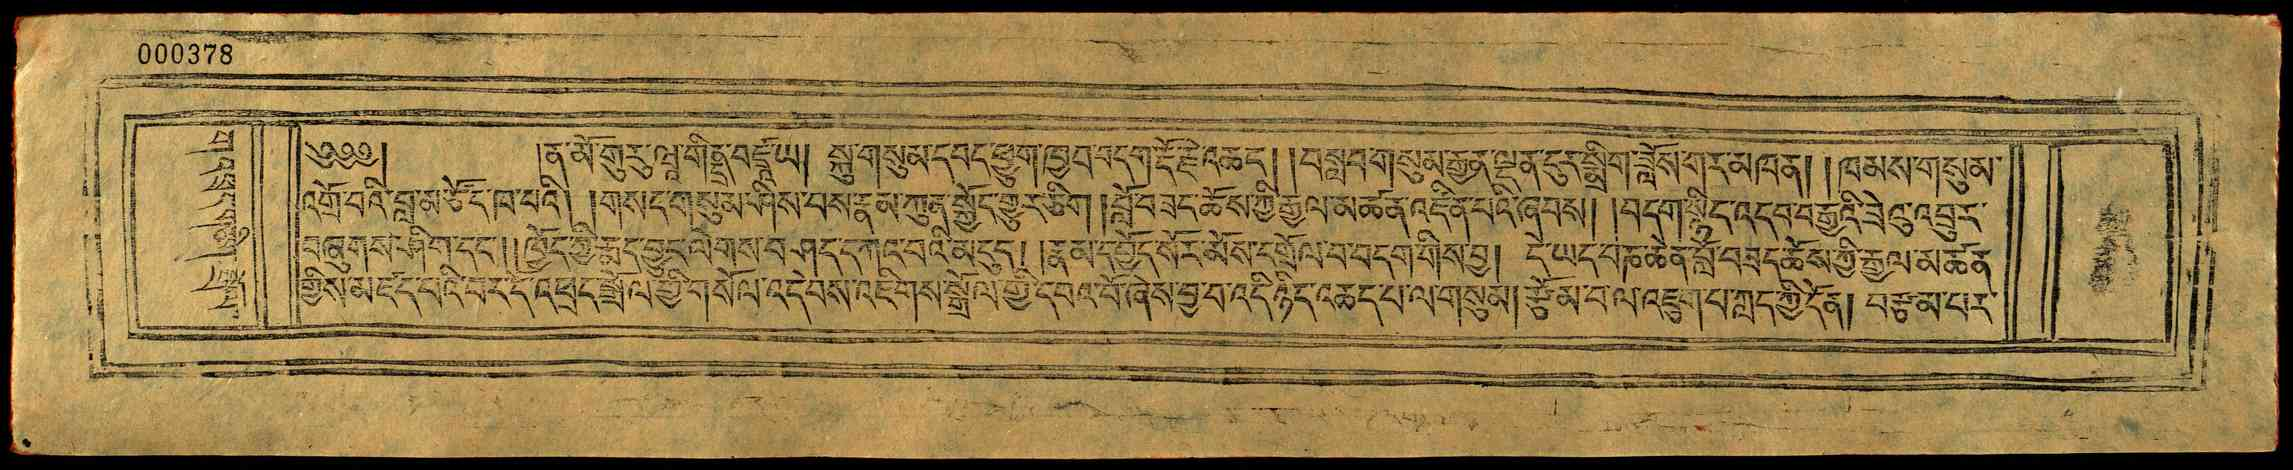༄༅༅། །ན་མོ་གུ་རུ་ཝཱ་གིནྡྲ་བཛྲྙ་ཡ། སྐུ་གསུམ་དབང་ཕྱུག་ཁྱབ་བདག་རྡོ་རྗེ་འཆང་། །བསླབ་གསུམ་རྒྱན་ལྡན་ངུར་སྨྲིག་ཟློས་གར་མཁན། །ཁམས་གསུམ་
འགྲོ་བའི་བླ་མ་ཙོང་ཁ་པའི། །གསང་གསུམ་ཤེས་པས་རྣམ་ཀུན་སྐྱོང་གྱུར་ཅིག །བློ་བཟང་ཆོས་ཀྱི་རྒྱལ་མཚན་འཛིན་པའི་ཞབས། །བདག་སྙིང་འདབ་བརྒྱའི་ཟེའུ་འབྲུར་
བཞུགས་ཤིག་དང་། །ཁྱོད་ཀྱི་རྨད་བྱུང་ལེགས་བཤད་དཀའ་བའི་མདུད། །རྣམ་དཔྱོད་སོར་མོས་དགྲོལ་བ་བདག་གིས་བྱ། དེ་ཡང་པཎ་ཆེན་བློ་བཟང་ཆོས་ཀྱི་རྒྱལ་མཚན་
གྱིས་མཛད་པའི་བར་དོ་འཕྲང་སྒྲོལ་གྱི་གསོལ་འདེབས་འཇིགས་སྒྲོལ་གྱི་དཔའ་བོ་ཞེས་བྱ་བ་འདི་ཉིད་འཆད་པ་ལ་གསུམ། རྩོམ་པ་ལ་འཇུག་པ་ཀླད་ཀྱི་དོན། བརྩམ་པར་